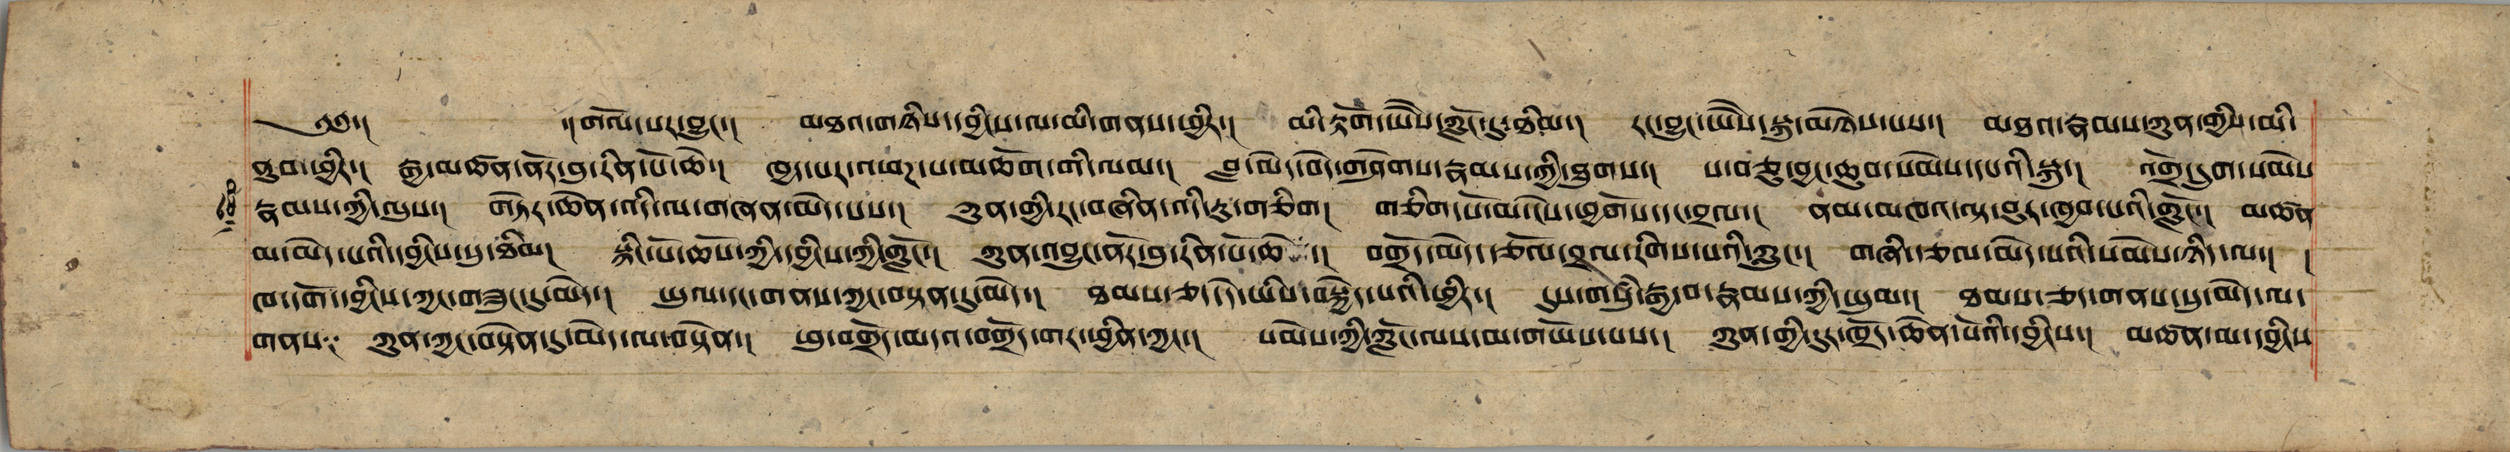༄༅་། ་།གོལ་པར་བྱུང་། མཐའ་གཉིས་དབྱིངས་ལ་མི་གནས་ཕྱིར་། མི་རྟོག་ཡཻས་ཀློང་དུ་ཐིམ་། རང་བྱུང་ཡཻས་སྐུ་མཉེས་པས་། མཐའ་རྣམས་ཀུན་གྱིས་མི་
ནུབ་ཕྱིར་། རྒྱ་མཚན་ནོར་བུ་རིན་པོ་ཆེ་། ཁྱད་པར་འཕཌ་པ་མཆོག་གི་ལམ་། བླ་མེད་བདེ་གཤེགས་རྣམས་ཀྱི་ཐུགས་། ས་བཅུ་བྱང་ཆུབ་སེམས་དཔའི་སྐུ་། འགྲོ་དྲུག་སེམས་
རྣམས་ཀྱི་ལུས་། གཏེར་ཆེན་འདི་ལ་གཞན་མེད་པས་། ཀུན་གྱི་རང་བཞིན་འདི་རུ་གཅིག་། གཅིག་པོ་མ་ངེས་ཕྱོགས་དང་བྲལ་། ནམ་མཁའ་ལྟ་བུར་ཁྱབ་པའི་གློ་། མཚན་
མ་མེད་པའི་དབྱིངས་སུ་ཐིམ། སྙིང་པོ་ཆོས་ཀྱི་དབྱིངས་ཀྱི་ཀློང་། ཀུན་འབྱུང་ནོར་བུ་རིན་པོ་ཆེ་། བགྲོད་མེད་རྩོལ་བྲལ་རིགས་པའི་ཀླུང་། གཞི་རྩལ་མེད་པའི་སེམས་ཉིད་ལ་།
ཁ་དོག་དབྱིངས་ཀྱང་གཟུང་དུ་མེད་། ཡུལ་དང་གནས་ཀྱང་བསྟན་དུ་མེད་། ཐམས་ཅད་དེ་ཡིས་བསྐྱེད་པའི་ཕྱིར་། དུས་གསུཾ་རྒྱ་བ་རྣམས་ཀྱི་ཡུམ་། ཐམས་ཅད་གནས་སུ་མེད་ལ་
གནས༑ ཀུན་ཀྱང་བསྟེན་དུ་མེད་ལ་བསྟེན་། ཕུ་བགྲོད་མདའ་བགྲོད་གར་ཕྱིན་ཀྱང་། སེམས་ཀྱི་ཀློང་ལས་མ་གཡོས་པས་། ཀུན་གྱི་དུར་ཁྲོད་ཆེན་པོའི་དབྱིངས་། མཚན་མ་དབྱིངས་